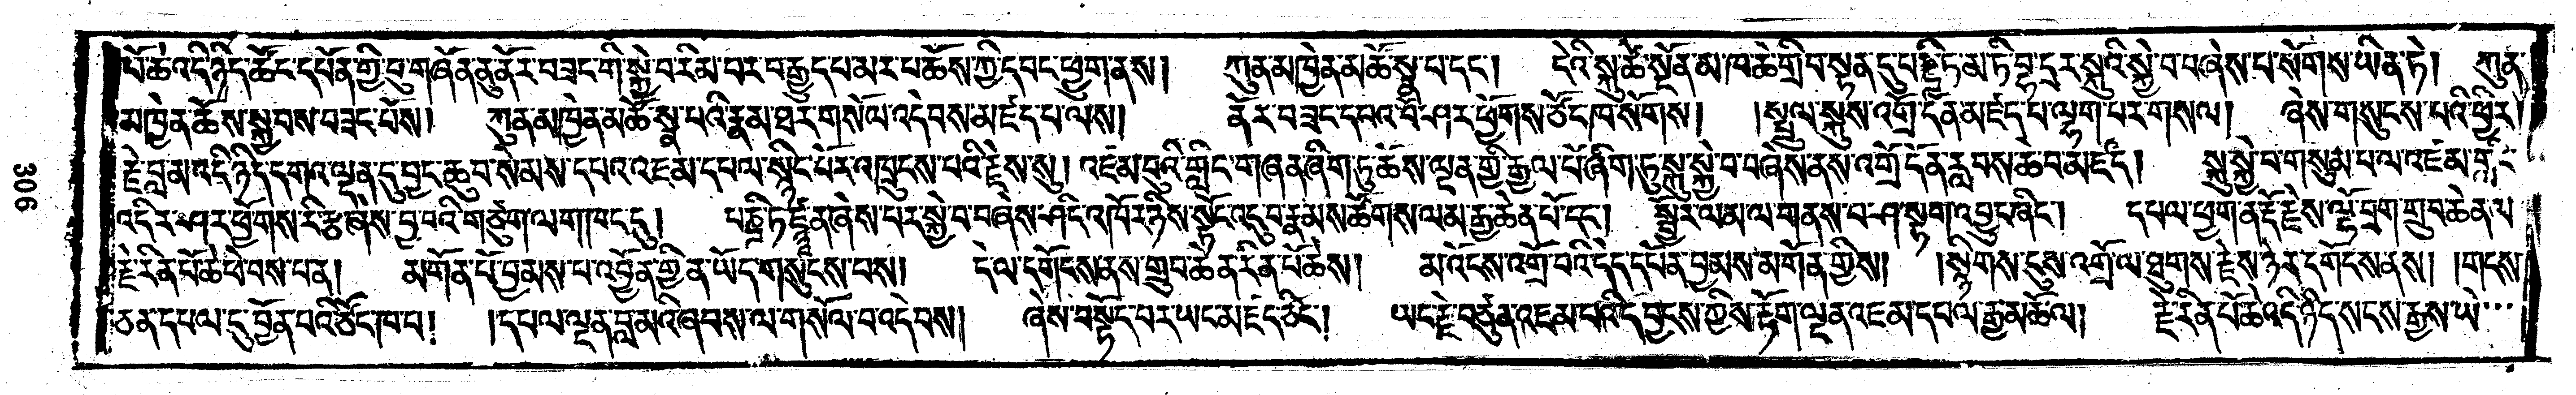པོ་ཚེ་འདི་ཉིད་ཚོང་དཔོན་གྱི་བུ་གཞོན་ནུ་ནོར་བཟང་གི་སྐྱེ་བ་རིམ་པར་བ་རྒྱུད་པ་མར་པ་ཆོས་ཀྱི་དབང་ཕྱུག་ནས། ཀུན་མཁྱེན་མཚོ་སྣ་པ་དང་། དེའི་སྐུ་ཚེ་སྔོན་མ་ཁ་ཆེ་གྲིམ་སྟན་དུ་པཎྜི་ཏ་མ་ཏི་བྷ་དར་སྐུའི་སྐྱེ་བ་བཞེས་པ་སོགས་ཡིན་ཏེ། ཀུན་
མཁྱེན་ཆོས་སྐྱབས་བཟང་པོས། ཀུན་མཁྱེན་མཚོ་སྣ་པའི་རྣམ་ཐར་གསོལ་འདེབས་མཛད་པ་ལས། ནོར་བཟང་དཔལ་བོ་ཤར་ཕྱོགས་ཙོང་ཁ་སོགས། །སྤྲུལ་སྐུས་འགྲོ་དོན་མཛད་པ་ལྷག་པར་གསལ། ཞེས་གསུངས་པའི་ཕྱིར།
རྗེ་བླ་མ་འདི་ཉིད་དགའ་ལྡན་དུ་བྱང་ཆུབ་སེམས་དཔའ་འཇམ་དཔལ་སྙིང་པོར་འཁྲུངས་པའི་རྗེས་སུ། འཛམ་བུའི་གླིང་གཞན་ཞིག་ཏུ་ཆོས་ལྡན་གྱི་རྒྱལ་པོ་ཞིག་ཏུ་སྐུ་སྐྱེ་བ་བཞེས་ནས་འགྲོ་དོན་རླབས་ཆེ་བ་མད། སྐུ་སྐྱེ་བ་གསུམ་པ་ལ་འཇམ་གླིང་
འདིར་ཤར་ཕྱོགས་རི་རྩ་ཞེས་བྱ་བའི་གཙུགས་ལག་ཁང་དུ། པཎྜི་ཏ་ཛྙཱ་ན་ཞེས་པར་སྐྱེ་བ་བཞེས་པ་བཞེས་ཤིང་འཁོར་ཉིད་སྟོང་འདུ་བ་རྣམས་ཚོགས་ལམ་རྒྱ་ཆེན་པོ་དང་། སྦྱོར་ལམ་ལ་གནས་བཤ་སྟག་འབྱུང་ཞིང་། དཔལ་ཕྱག་ན་རྡོ་རྗེས་ལྷོ་བྲག་གྲུབ་ཆེན་ལ་
རྗེ་རིན་པོ་ཆེ་ཕེབས་པ་ན། མགོན་པོ་བྱམས་པ་འབྱོན་གྱི་ན་ཡོད་གསུངས་པས། དེ་ལ་དགོངས་ནས་གྲུབ་ཆེན་རིན་པོ་ཆེས། མ་འོངས་འགྲོ་བའི་དེ་དཔོམ་བྱམས་མགོན་གྱིས། སྙིགས་དུས་འགྲོ་ལ་ཐུགས་རྗེས་ཉེར་དགོངས་ནས། །གངས་
ཅན་དཔལ་དུ་བྱོན་པའི་ཚོང་ཁ་བ། །དཔལ་ལྡན་བླ་མའི་ཞབས་ལ་གསོལ་བ་འདེབས། །ཞེས་བསྟོད་པར་ཡང་མཛད་ཅིང་། ཡང་རྗེ་བཏུན་འཇམ་པའི་དབྱངས་ཀྱིས་རྟོག་ལྡན་འཇམ་དཔལ་རྒྱ་མཚོ་ལ། རྗེ་རིན་པོ་ཆེ་འདི་ཉིད་སངས་རྒྱས་ཡེ་